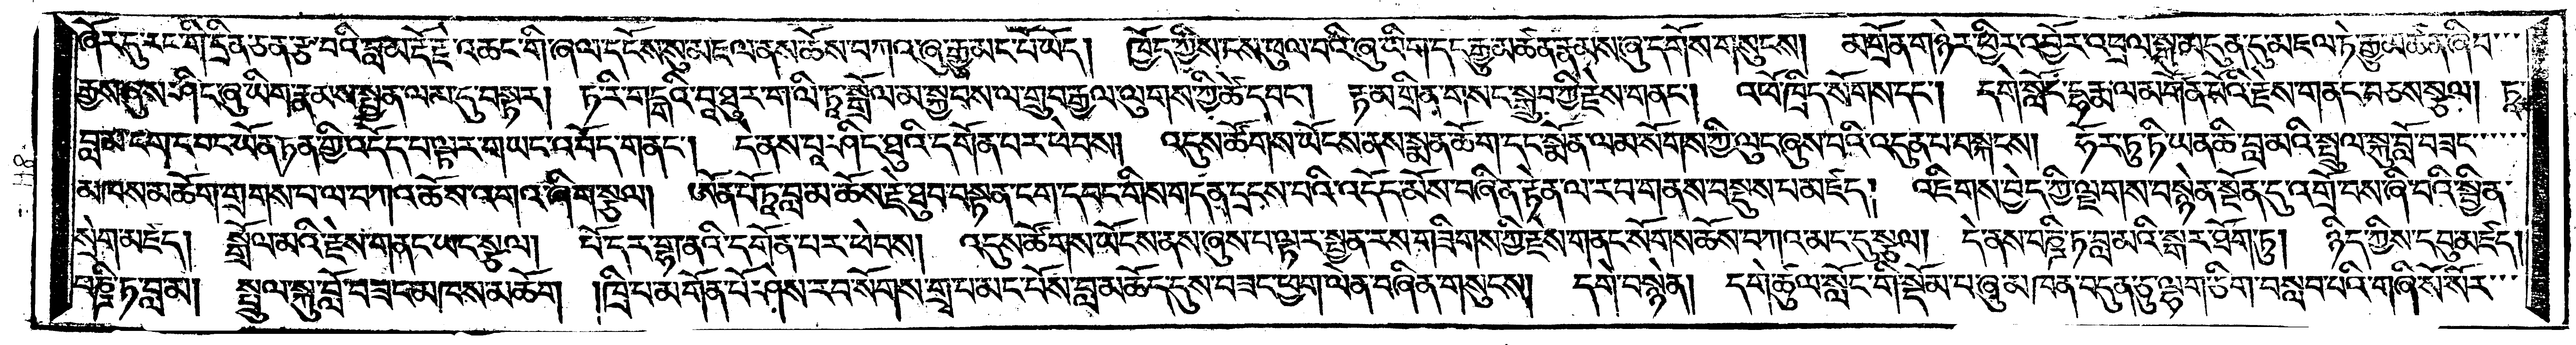ཞོར་དུ་རང་གི་དྲིན་ཅན་རྩ་བའི་བླ་མ་རྡོ་རྗེ་འཆང་གི་ཞལ་དངོས་སུ་མཇལ་ནས་ཆོས་བཀའ་ཞུ་རྒྱུ་མང་པོ་ཡོད། ཁྱོད་ཀྱིས་ངས་ཕུལ་བའི་ཞུ་ཡིག་དང་རྒྱུ་མཚན་རྣམས་ཞུ་དགོས་གསུངས། མགྲོན་གཉེར་ཕྱིར་འབྱོར་འཕྲལ་སྐུ་མདུན་དུ་མཇལ་ཏེ་རྒྱུ་མཚན་ཞིབ་
རྒྱས་ཞུས་ཤིང་ཞུ་ཡིག་རྣམས་སྤྱན་ལམ་དུ་བསྟར། ཏ་རི་གངྒའི་བཱ་ཐུར་ག་ལི་ཏཱ་སྒྲོལ་མ་སྐྱབས་ལ་གྲུབ་རྒྱལ་ལུགས་ཀྱི་ཚེ་དབང་། རྟ་མགྲིན་གསང་སྒྲུབ་ཀྱི་རྗེས་གནང་། འཕོ་ཁྲིད་སོགས་དང་། དགེ་སློང་དྷརྨ་ལ་མགོན་པོའི་རྗེས་གནང་བཅས་སྩལ། ཏཱ་
བླ་མ་ངག་དབང་ཡོན་ཏན་གྱི་འདོད་པ་ལྟར་གཡང་འབོད་གནང་། དེ་ནས་པཱ་ཤིང་ཐུའི་དགོན་པར་ཕེབས། འདུས་ཚོགས་ཡོངས་ནས་སྨན་ཆོག་དང་སྨོན་ལམ་སོགས་ཀྱི་ལུང་ཞུས་བའི་འདུན་པ་བསྐངས། ཧོར་ཏུ་ཏི་ཡན་ཆི་བླ་མའི་སྤྲུལ་སྐུ་བློ་བཟང་
མཁས་མཆོག་གྲགས་པ་ལ་བཀའ་ཆོས་འགའ་ཞིག་སྩལ། ཨོན་པོ་ཏཱ་བླ་མ་ཆོས་རྗེ་ཐུབ་བསྟན་ངག་དབང་གིས་གདན་དྲངས་པའི་འདོད་མོས་བཞིན་རྟེན་ལ་རབ་གནས་བསྡུས་པ་མཛད། འཇིགས་བྱེད་ཀྱི་ལྗགས་བསྙེན་སྔོན་དུ་འགྲོ་བས་ཞི་བའི་སྦྱིན་
སྲེག་མཛད། སྒྲོལ་མའི་རྗེས་གནང་ཡང་སྩལ། པོ་དར་གྷ་ནའི་དགོན་པར་ཕེབས། འདུས་ཚོགས་ཡོངས་ནས་ཞུས་པ་ལྟར་སྤྱན་རས་གཟིགས་ཀྱི་རྗེས་གནང་སོགས་ཆོས་བཀའ་མང་དུ་སྩལ། དེ་ནས་པཎྜི་ཏ་བླ་མའི་སྒར་ཐོག་ཏུ། ཉིད་ཀྱིས་དབུ་མཛད།
པཎྜི་ཏ་བླ་མ། སྤྲུལ་སྐུ་བློ་བཟང་མཁས་མཆོག །ཁྲི་པ་མགོན་པོ་ཤེས་རབ་སོགས་གྲྭ་པ་མང་པོས་བླ་མཆོད་དུས་བཟང་ཕྱག་ལེན་བཞིན་གསུངས། དགེ་བསྙེན། དགེ་ཚུལ་སློང་གི་སྡོམ་པ་ཞུ་མཁན་བདུན་ཅུ་ལྷག་ཅིག་བསླབ་པའི་གཞི་སོ་སོར་